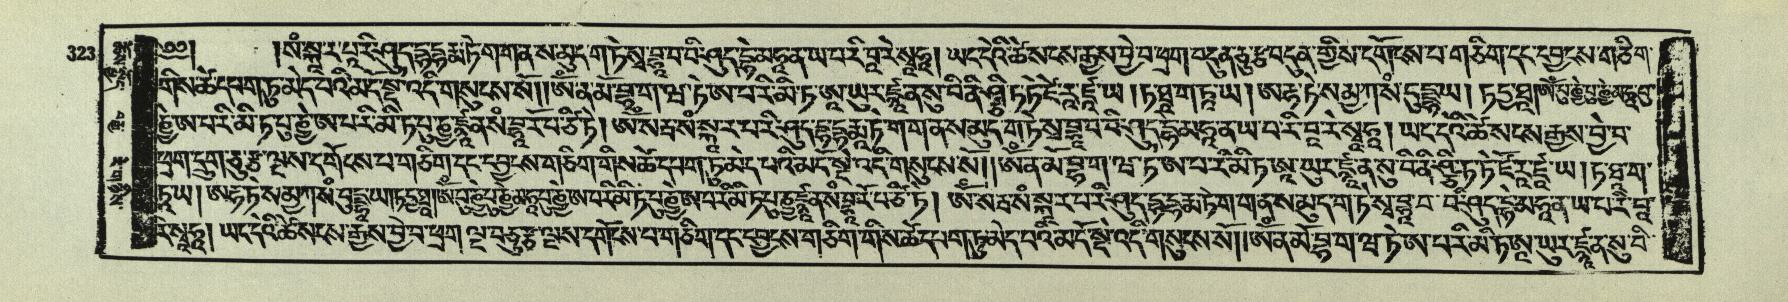༄༅། །སཾ་སྐཱ་ར་པཱ་རི་ཤུད་དྷ་དྷརྨ་ཏེ་ག་ག་ན་ས་མུད་ག་ཏེ་སྭ་བྷཱ་བ་བི་ཤུད་དགེ་མཧཱ་ན་ཡ་པ་རི་བཱ་རེ་སྭཱཧཱ། ཡང་དེའི་ཚེ་སངས་རྒྱས་བྱེ་བ་ཕྲག་བདུན་ཆུ་རྩ་བདུན་གྱིས་དགོངས་པ་གཅིག་དང་དབྱངས་གཅིག་
གིས་ཚེ་དཔག་ཏུ་མེད་པའི་མདོ་སྔ་འདི་གསུངས་སོ། །ཨོཾ་ན་མོ་བྷ་ག་ཝ་ཏེ་ཨ་པ་རི་མི་ཏ་ཨཱ་ཡུར་ཛྙཱ་ན་སུ་བི་ནི་ཤྩི་ཏ་ཏེ་ཛེ་རཱ་ཛཱ་ཡ། ཏ་ཐཱ་ག་ཏཱ་ཡ། ཨརྷ་ཏེ་སམྱཀ་སཾ་བུདྡྷ་ཡ། ཏདྱ་ཐཱ། ཨོཾ་པུ་ཎྱེ་པུ་ཎྱེ་མཧཱ་པུ་
ཎྱེ་ཨ་པ་རི་མི་ཏ་པུ་ཎྱེ་ཨ་པ་རི་མི་ཏ་པུ་ཎྱ་ཛྙཱ་ན་སཾ་བྷཱ་རོ་པ་ཙི་ཏེ། ཨོཾ་སརྦ་སཾ་སྐཱ་ར་པ་རི་ཤུད་དྷ་དྷ་རྨཱ་ཏེ་ག་ག་ན་ས་མུད་ག་ཏེ་སྭ་བྷཱ་བ་བི་ཤུད་དྷེ་མཧཱ་ན་ཡ་པ་རི་བཱ་རེ་སྭཱཧཱ། ཡང་དེའི་ཚེ་སངས་རྒྱས་བྱེ་བ་
ཕྲག་དྲུག་ཅུ་རྩ་ལྔས་དགོངས་པ་གཅིག་དང་དབྱངས་གཅིག་གིས་ཚེ་དཔག་ཏུ་མེད་པའི་མདོ་སྡེ་འདི་གསུངས་སོ། །ཨོཾ་ན་མོ་བྷ་ག་ཝ་ཏེ་ཨ་པ་རི་མི་ཏ་ཨཱ་ཡུར་ཛྙཱ་ན་སུ་བི་ནི་ཤྩི་ཏ་ཏེ་ཛོ་རཱ་ཛཱ་ཡ། ཏ་ཐཱ་ག་
ཏཱ་ཡ། ཨརྷ་ཏེ་སམྱཀ་སཾ་བུདྡྷཱ་ཡ། ཏདྱ་ཐཱ། ཨོཾ་པུ་ཎྱེ་པུ་ཎྱེ་མཧཱ་པུ་ཎྱེ་ཨ་པ་རི་མི་ཏ་པུ་ཎྱེ་ཨ་པ་རི་མི་ཏ་པུ་ཎྱ་ཛྙཱ་ན་སམ་བྷཱ་རོ་པ་ཙི་ཏེ། ཨོཾ་སརྦ་སཾ་སྐཱ་ར་པ་རི་ཤུད་དྷ་དྷརྨ་ཏེ་ག་ག་ན་ས་མུད་ག་ཏེ་སྭ་བྷཱ་བ་བི་ཤུད་དྷེ་མཧཱ་ན་ཡ་པ་རི་བཱ་
རེ་སྭཱ་ཧཱ། ཡང་དེའི་ཚེ་སངས་རྒྱས་བྱེ་བ་ཕྲག་ལྔ་བཅུ་རྩ་ལྔས་དགོངས་པ་གཅིག་དང་དབྱངས་གཅིག་གིས་ཚེ་དཔག་ཏུ་མེད་པའི་མདོ་སྡེ་འདི་གསུངས་སོ། །ཨོཾ་ན་མོ་བྷ་ག་ཝ་ཏེ་ཨ་པ་རི་མི་ཏ་ཨཱ་ཡུར་ཛྙཱ་ན་སུ་བི་